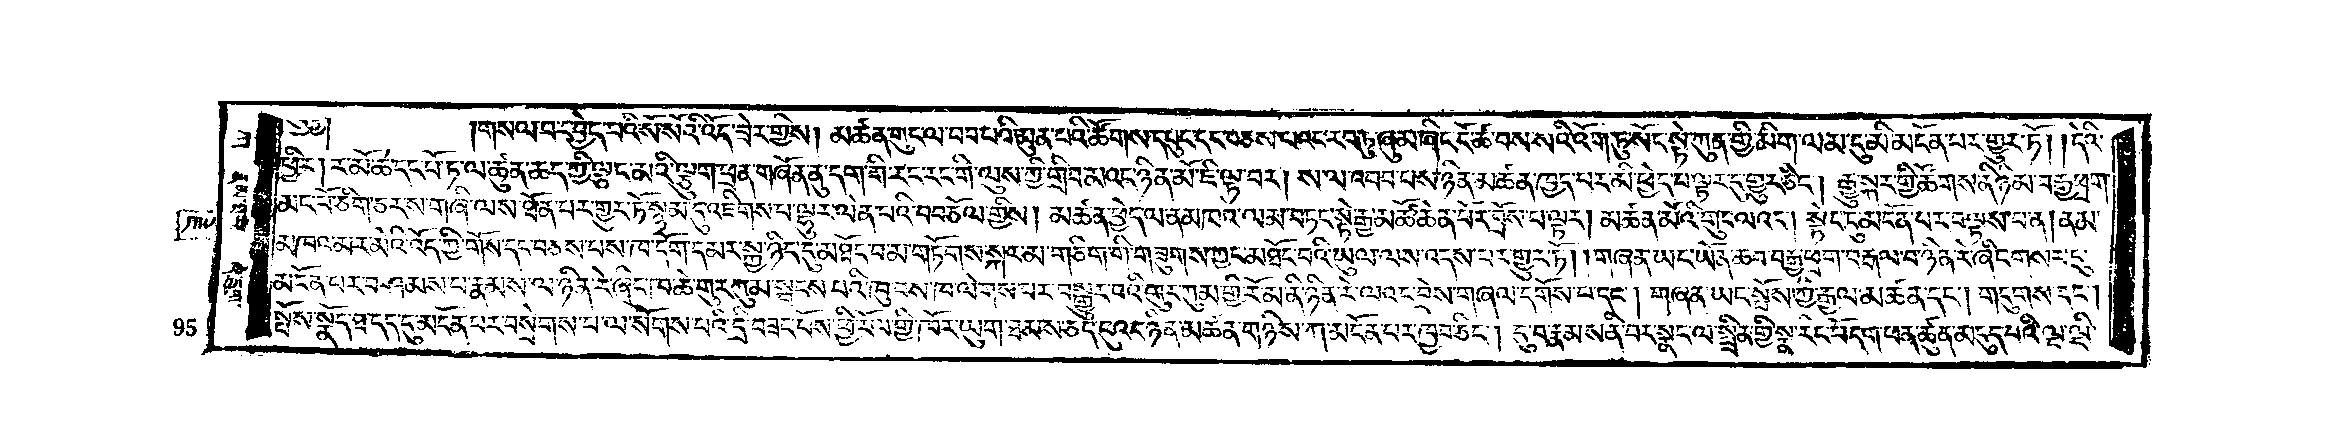༄༅། །གསལ་བར་བྱེད་པའི་སོ་སོའི་འོད་ཟེར་གྱིས། མཚན་གུང་ལ་བབ་པའི་མུན་པའི་ཚོགས་དཔུང་དང་བཅས་པའང་རབ་ཏུ་ཞུམ་ཞིང་ངོ་ཚ་བས་སའི་འོག་ཏུ་སོང་སྟེ་ཀུན་གྱི་མིག་ལམ་དུ་མི་མངོན་པར་གྱུར་ཏོ། །དེའི་
ཕྱིར། ར་མོ་ཆེ་དང་པོ་ཏ་ལ་ཚུན་ཆད་ཀྱི་ལྕང་མའི་ལྕུག་ཕྲན་གཞོན་ནུ་དག་གི་རང་རང་གི་ལུས་ཀྱི་གྲིབ་མའང་ཉིན་མོ་ཇི་ལྟ་བར། ས་ལ་འབབ་པས་ཉིན་མཚན་ཁྱད་པར་མི་ཕྱེད་པ་ལྟར་དུ་གྱུར་ཅིང་། རྒྱུ་སྐར་གྱི་ཚོགས་ནི་ཉི་མ་བརྒྱ་ཕྲག་
མང་པོ་ཅིག་ཅར་ས་གཞི་ལས་ཐོན་པར་གྱུར་ཏོ་སྙམ་དུ་འཇིགས་པ་ལྷུར་ལེན་པའི་བབ་ཅོལ་གྱིས། མཚན་ཕྱེད་ལ་ནམ་མཁའ་ལམ་བཏང་སྟེ་རྒྱ་མཚོ་ཆེན་པོར་བྲོས་པ་ལྟར། མཚན་མོའི་གུང་ལའང་། སྟེང་དུ་མངོན་པར་བལྟས་པ་ན། ནམ་
མཁའ་མར་མེའི་འོད་ཀྱི་གོས་དང་བཅས་པས་ཁ་དོག་དམར་སྐྱ་ཉིད་དུ་མཐོང་བ་མ་གཏོགས་སྐར་མ་གཅིག་གི་གཟུགས་ཀྱང་མཐོང་བའི་ཡུལ་ལས་འདས་པར་གྱུར་ཏོ། །གཞན་ཡང་ཡོན་ཆབ་བརྒྱ་ཕྲག་བརྒལ་བ་ཉིན་རེ་ཞིང་གསར་དུ་
མངོན་པར་བཤམས་པ་རྣམས་ལ་ཉིན་རེ་ཞིང་ཁ་ཆེ་གུར་ཀུམ་སྦངས་པའི་ཁུ་བས་ཁ་ལེགས་པར་བསྒྱུར་བའི་གུར་ཀུམ་གྱི་རོ་མ་ནི་ཉིན་རེ་ལའང་བྲེས་གཞལ་དགོས་པ་དང་། གཞན་ཡང་སྤོས་ཀྱི་རྒྱལ་མཚན་དང་། གདུགས་དང་།
སྤོས་སྣོད་ཐ་དད་དུ་མངོན་པར་བསྲེགས་པ་ལ་སོགས་པའི་དྲི་བཟང་པོས་ཕྱི་རོལ་གྱི་ཁོར་ཡུག་ཐམས་ཅད་དུའང་ཉིན་མཚན་གཉིས་ཀ་མངོན་པར་ཁྱབ་ཅིང་། དུ་བ་རྣམས་ནི་བར་སྣང་ལ་སྤྲིན་གྱི་སྣ་རིང་པོ་དག་ཕན་ཚུན་མདུད་པའི་ལྡ་ལྡི་